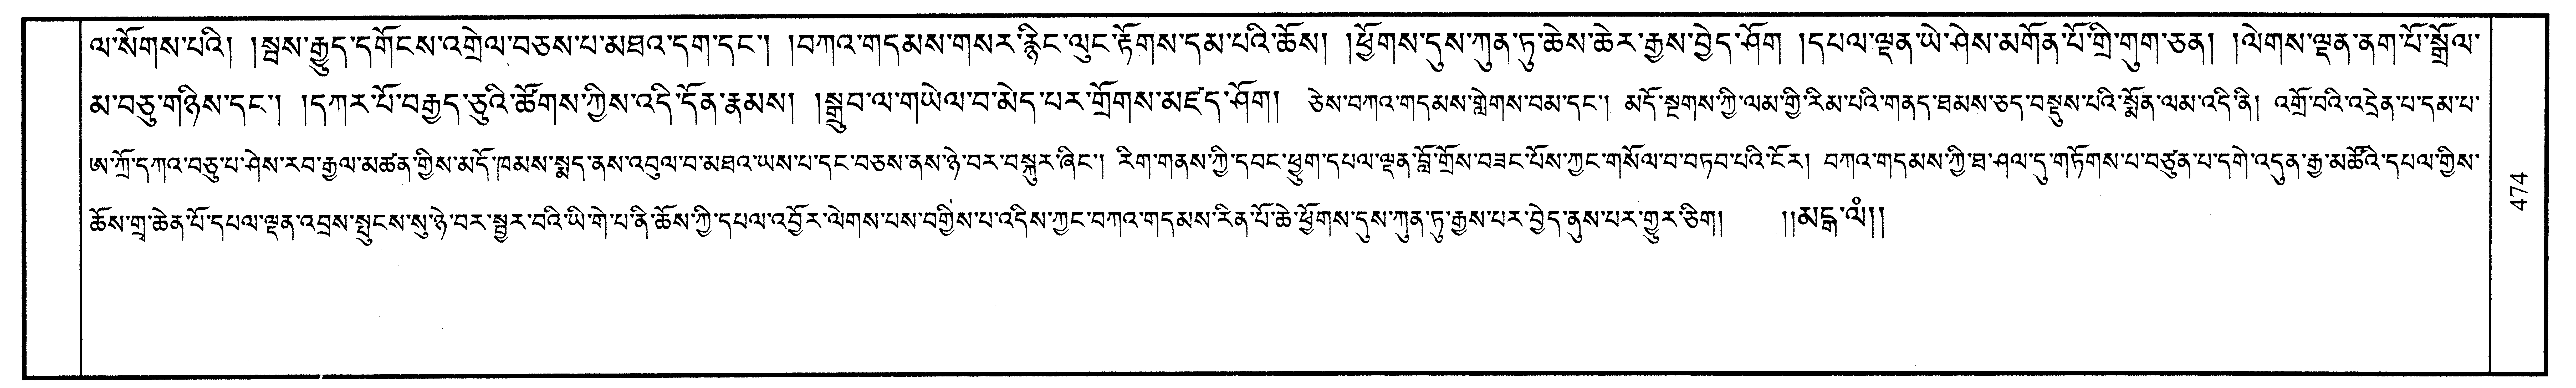ལ་སོགས་པའི། །སྦས་རྒྱུད་དགོངས་འགྲེལ་བཅས་པ་མཐའ་དག་དང་། །བཀའ་གདམས་གསར་རྙིང་ལུང་རྟོགས་དམ་པའི་ཆོས། །ཕྱོགས་དུས་ཀུན་ཏུ་ཆེས་ཆེར་རྒྱས་བྱེད་ཤོག །དཔལ་ལྡན་ཡེ་ཤེས་མགོན་པོ་གྲི་གུག་ཅན། །ལེགས་ལྡན་ནག་པོ་སྒྲོལ་
མ་བཅུ་གཉིས་དང་། །དཀར་པོ་བརྒྱད་ཅུའི་ཚོགས་ཀྱིས་འདི་དོན་རྣམས། །སྒྲུབ་ལ་གཡེལ་བ་མེད་པར་གྲོགས་མཛད་ཤོག །ཅེས་བཀའ་གདམས་གླེགས་བམ་དང་། མདོ་སྔགས་ཀྱི་ལམ་གྱི་རིམ་པའི་གནད་ཐམས་ཅད་བསྡུས་པའི་སྨོན་ལམ་འདི་ནི། འགྲོ་བའི་འདྲེན་པ་དམ་པ་
ཨ་ཀྲོ་དཀའ་བཅུ་པ་ཤེས་རབ་རྒྱལ་མཚན་གྱིས་མདོ་ཁམས་སྨད་ནས་འབུལ་བ་མཐའ་ཡས་པ་དང་བཅས་ནས་ཉེ་བར་བསྐུར་ཞིང་། རིག་གནས་ཀྱི་དབང་ཕྱུག་དཔལ་ལྡན་བློ་གྲོས་བཟང་པོས་ཀྱང་གསོལ་བ་བཏབ་པའི་ངོར། བཀའ་གདམས་ཀྱི་ཐ་ཤལ་དུ་གཏོགས་པ་བཙུན་པ་དགེ་འདུན་རྒྱ་མཚོའི་དཔལ་གྱིས་
ཆོས་གྲྭ་ཆེན་པོ་དཔལ་ལྡན་འབྲས་སྤུངས་སུ་ཉེ་བར་སྦྱར་བའི་ཡི་གེ་པ་ནི་ཆོས་ཀྱི་དཔལ་འབྱོར་ལེགས་པས་བགྱིས་པ་འདིས་ཀྱང་བཀའ་གདམས་རིན་པོ་ཆེ་ཕྱོགས་དུས་ཀུན་ཏུ་རྒྱས་པར་བྱེད་ནུས་པར་གྱུར་ཅིག། །།མངྒ་ལཾ།།